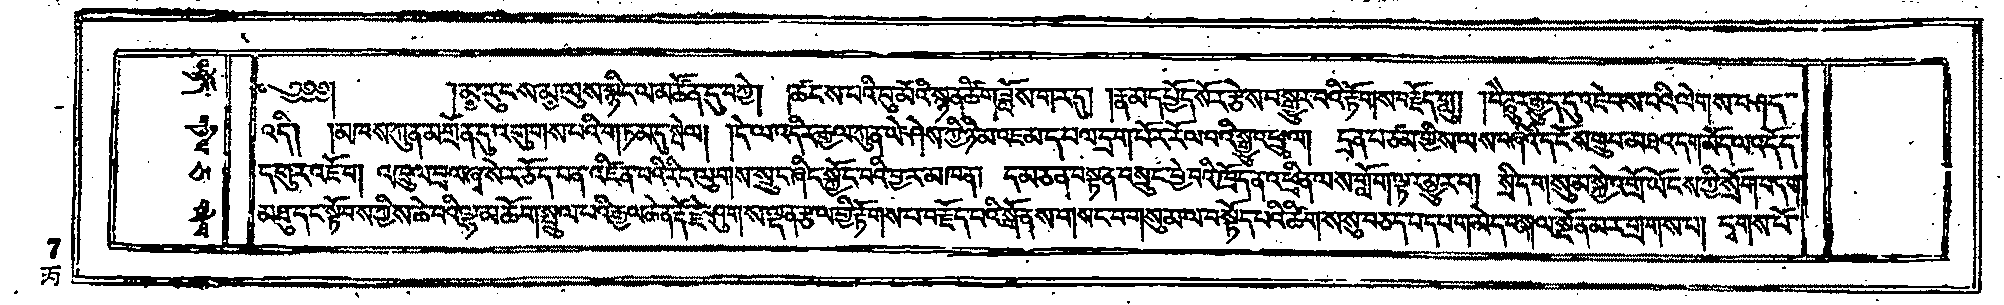༄༅། །མ་རུངས་མ་ལུས་སྙིང་ལ་མཚོན་དུ་བཀྱེ། །ཚངས་པའི་བུ་མོའི་སྙན་ཚིག་ཟློས་གར་དུ། །རྣམ་དཔྱོད་སོར་རྩེས་བསྒྱུར་བའི་རྟོགས་བརྗོད་གླུ། །བཻཌཱུར་རྒྱུད་དུ་འཇེབས་པའི་ལེགས་བཤད་
འདི། །མཁས་ཀུན་མགྲོན་དུ་འགུགས་པའི་གཏམ་དུ་སྤེལ། །དེ་ལ་འདིར་རྒྱལ་ཀུན་ཡེ་ཤེས་ཀྱི་ཉི་མ་འཇམ་དཔལ་དྲག་པོར་རོལ་པའི་སྒྱུ་འཕྲུལ། དྲན་པ་ཙམ་གྱིས་ལས་བཞིའི་དངོས་གྲུབ་མཐའ་དག་མོད་ལ་འདོད་
དགུར་འཇོ་བ། འཁྲུལ་བྲལ་ཞྭ་སེར་ཅོད་པན་འཛིན་པའི་རིང་ལུགས་སྲུང་ཞིང་སྐྱོང་བའི་བྱ་ར་མཁན། དམ་ཅན་བསྟན་བསྲུང་བྱེ་བའི་ཁྲོད་ན་འཕྲིན་ལས་གློག་ལྟར་མྱུར་བ། སྲིད་གསུམ་སྐྱེ་འགྲོ་ཡོངས་ཀྱི་སྲོག་བདག་
མཐུ་དང་སྟོབས་ཀྱིས་ཆེ་བའི་ལྷ་མཆོག་སྤྲུལ་པའི་རྒྱལ་ཆེན་རྡོ་རྗེ་ཤུགས་ལྡན་རྩལ་གྱི་རྟོགས་པ་བརྗོད་པའི་སྒོ་ནས་གསང་བ་གསུམ་ལ་བསྟོད་པའི་ཚིགས་སུ་བཅད་པ་དཔག་མེད་བསྐལ་སྔོན་མར་གྲགས་པ། དྭགས་པོ་